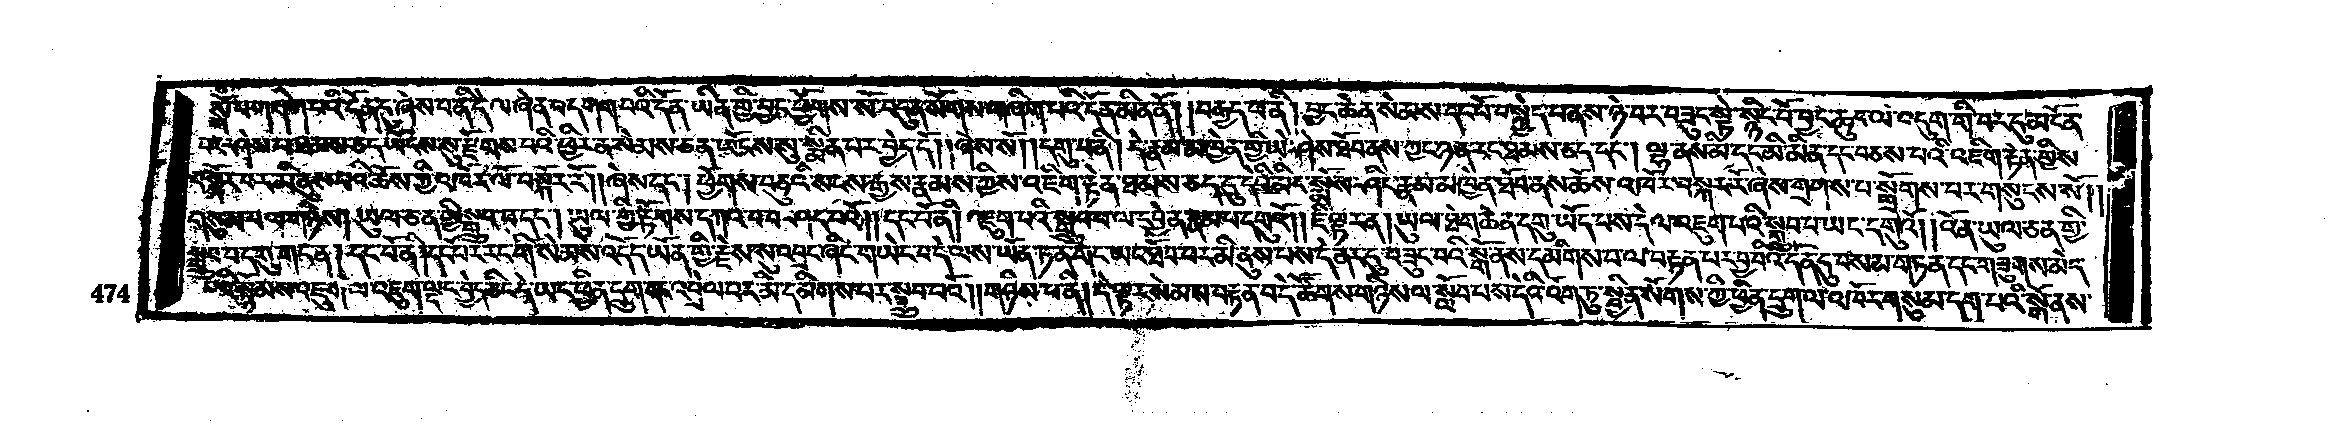སྒོམ་པ་གཞིག་པའི་དོན་དུ་ཞེས་པ་ནི་དེ་ལ་ཞེན་པ་དགག་པའི་དོན་ཡིན་གྱི་བྱང་ཕྱོགས་སོ་བདུན་སོགས་གཞིག་པའི་དོན་མིན་ནོ། །བརྒྱད་པ་ནི། བྱང་ཆེན་སེམས་དང་པོ་བསྐྱེད་པ་ནས་ཉེ་བར་བཟུང་སྟེ་སྙིང་པོ་བྱང་ཆུབ་ལ་འདུག་གི་བར་དུ་མངོན་
པར་ཤེས་པ་ཐམས་ཅད་ཡོངས་སུ་རྫོགས་པའི་ཕྱིར་ན་སེམས་ཅན་ཡོངས་སུ་སྨིན་པར་བྱེད་དོ། །ཞེས་སོ། །དགུ་བ་ནི། དེ་རྣམ་མཁྱེན་གྱི་ཡེ་ཤེས་ཐོབ་ནས་ཀྱང་ཉན་རང་ཐམས་ཅད་དང་། ལྷ་ནས་མི་དང་མི་མིན་དང་བཅས་པའི་འཇིག་རྟེན་གྱིས་
བསྐོར་བར་མི་ནུས་པའི་ཆོས་ཀྱི་འཁོར་ལོ་བསྐོར་རོ། །ཞེས་དང་། ཕྱོགས་བཅུའི་སངས་རྒྱས་རྣམས་ཀྱིས་འཇིག་རྟེན་ཐམས་ཅད་དུ་དེའི་མིང་སྨོས་ཤིང་རྣམ་མཁྱེན་ཐོབ་ནས་ཆོས་འཁོར་བསྐོར་རོ་ཞེས་གྲགས་པ་སྒྲོགས་པར་གསུངས་སོ། །
གསུམ་པ་ལ་གཉིས། ཡུལ་ཅན་གྱི་སྒྲུབ་པ་དང་། ཡུལ་གྱི་རྟོགས་དཀའ་བ་བཤད་པའོ། །དང་པོ་ནི། འཇུག་པའི་སྒྲུབ་པ་ལ་དབྱེ་ན་རྣམ་པ་དགུའོ། །ཇི་ལྟར་ན། ཡུལ་ཐེག་ཆེན་དགུ་ཡོད་པས་དེ་ལ་འཇུག་པའི་སྒྲུབ་པ་ཡང་དགུའོ། །འོ་ན་ཡུལ་ཅན་གྱི་
སྒྲུབ་པ་དགུ་གང་ན། དང་པོ་ནི། དང་པོར་རང་གི་སེམས་འདོད་ཡོན་གྱི་རྗེས་སུ་འབྲང་ཞིང་གཡེང་བ་དེ་ལས་ཡོན་ཏན་གང་ཡང་ཐོབ་པར་མི་ནུས་པས་དེ་ནང་དུ་བཟུང་བའི་སྒོ་ནས་དམིགས་པ་ལ་བརྟན་པར་བྱ་བའི་དོན་དུ་བསམ་གཏན་དང་གཟུགས་མེད་
པའི་སྙོམས་འཇུག་ལ་འཇུག་ལྡང་བྱེད་ཅིང་དེ་ཡང་ཕྱིན་དྲུག་དང་འབྲེལ་བར་མི་དམིགས་པར་སྒྲུབ་པའོ། །གཉིས་པ་ནི། དེ་ལྟར་སེམས་བརྟན་པ་དེ་ཚོགས་གཉིས་ལ་སློབ་པས་དེའི་འོག་ཏུ་སྦྱིན་སོགས་ཀྱི་ཕྱིན་དྲུག་ལ་འཁོར་གསུམ་དག་པའི་སྒོ་ནས་